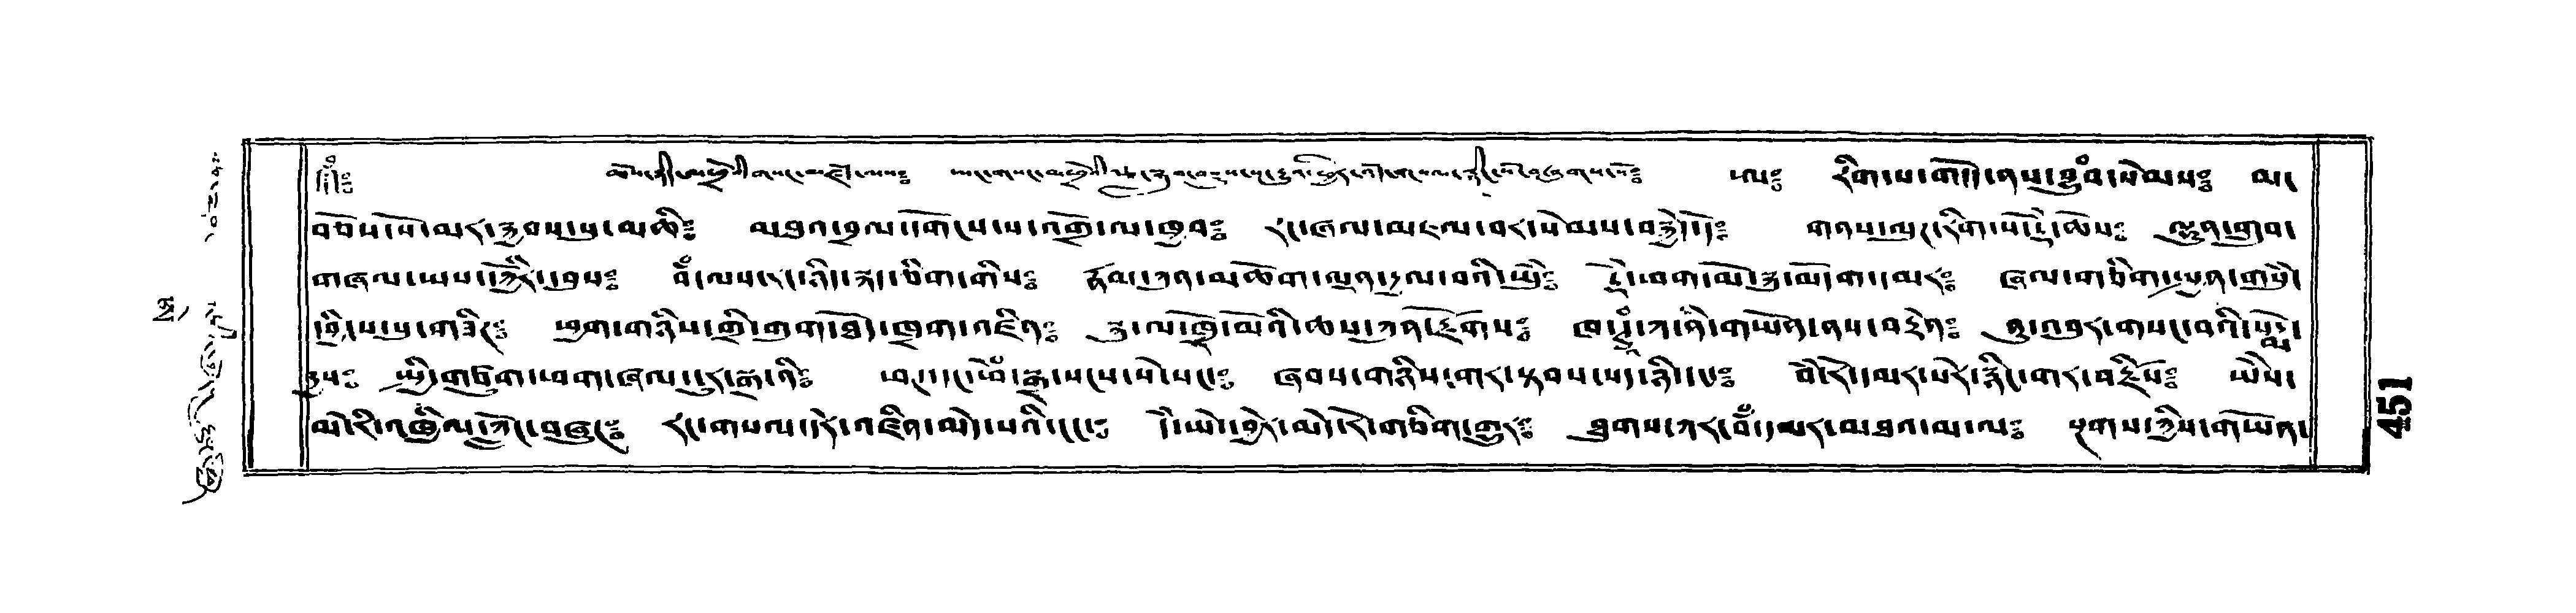ཆོས་ཉིད་མཁའ་འགྲོའི་གསང་མཛོད་ལས༔ ཡང་གསང་མཁའ་འགྲོའི་རྩ་སྒྲུབ་བསྡུས་པ་རྒྱུན་ཁྱེར་འོད་གསལ་སྙིང་པོ་བཞུགས་སོ༔ ཨཱཿ རིག་པ་གདོད་ནས་བྱང་ཆུབ་སེམས༔ མ་
བཅོས་སོ་མར་སྐྱབས་སུ་མཆི༔ མཐའ་བྲལ་དགོངས་པ་འགྲོ་ལ་ཁྱབ༔ རང་ཞལ་མཇལ་བར་སེམས་བསྐྱེད་དོ༔ གནས་ལུགས་རིག་པ་རྡོ་རྗེ་ཆོས༔ ལྷུན་གྲུབ་
གཞལ་ཡས་དཀྱིལ་འཁོར་དབུས༔ བྃ་ལས་རང་ཉིད་སྐད་ཅིག་གིས༔ རྣམ་ཀུན་མཆོག་ལྡན་རྒྱལ་བའི་ཡུམ༔ རྡོ་རྗེ་ཕག་མོ་སྐུ་མདོག་དམར༔ ཞལ་གཅིག་སྤྱན་གསུམ་
དབྱིངས་སུ་གཟིགས༔ ཕྱག་གཉིས་གྲི་གུག་ཐོད་ཁྲག་འཛིན༔ སྐུ་ལ་ཁྲོ་མོའི་ཆས་ཀུན་རྫོགས༔ ཁ་ཊྭཾ་ཀ་ནི་གཡོན་ནས་བརྟེན༔ ནུ་འབུར་གསང་བའི་པདྨོ་
རྒྱས༔ སྤྱི་གཙུག་ཕག་ཞལ་ངུར་སྒྲ་ནི༔ ཕཊ་དང་ཕེཾ་སྒྲ་སངས་སེ་སང༔ ཞབས་གཉིས་གར་སྟབས་པད་ཉི་དང༔ བམ་རོ་དམར་སེར་སྙིང་གར་བརྫིས༔ ཡེ་ཤེས་
མེ་རི་འཁྱིལ་ཀློང་བཞུགས༔ རང་གསལ་དེར་འཛིན་མེད་པའི་ངང༔ དམ་ཡེ་དབྱེར་མེད་རོ་གཅིག་གྱུར༔ ཐུགས་ཀར་བྃ་དམར་མཐའ་མ་ལ༔ སྔགས་ཀྱིས་གཡོན་